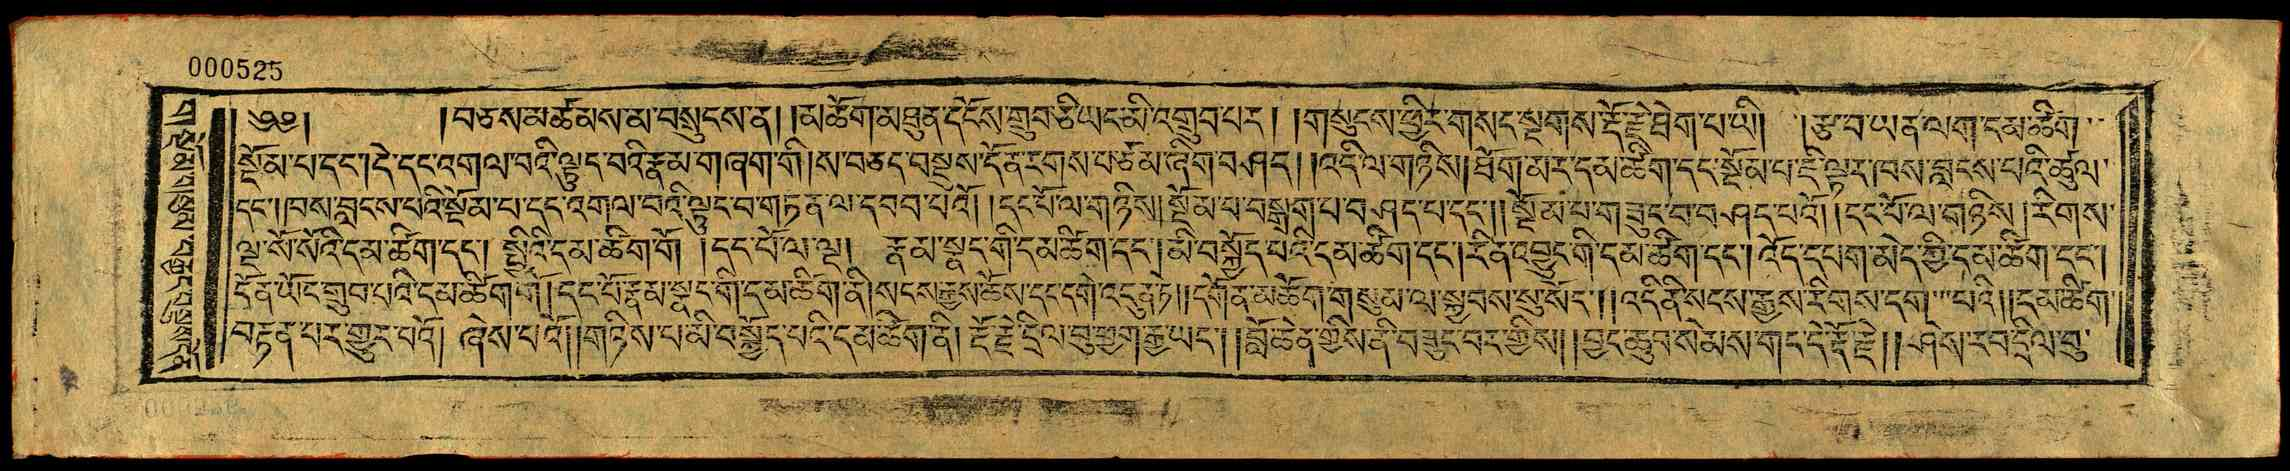༄༅། །བཅས་མཚམས་མ་བསྲུངས་ན། །མཆོག་མཐུན་དངོས་གྲུབ་ཅི་ཡང་མི་འགྲུབ་པར། །གསུངས་ཕྱིར་གསང་སྔགས་རྡོ་རྗེ་ཐེག་པ་ཡི། །རྩ་བ་ཡན་ལག་དམ་ཚིག་
སྡོམ་པ་དང་། དེ་དང་འགལ་བའི་ལྟུང་བའི་རྣམ་གཞག་གི །ས་བཅད་བསྡུས་དོན་རགས་པ་ཙམ་ཞིག་བཤད། །འདི་ལ་གཉིས། ཐོག་མར་དམ་ཚིག་དང་སྡོམ་པ་ཇི་ལྟར་ཁས་བླངས་པའི་ཚུལ་
དང་། ཁས་བླངས་པའི་སྡོམ་པ་དང་འགལ་བའི་ལྟུང་བ་གཏན་ལ་དབབ་པའོ། །དང་པོ་ལ་གཉིས། སྡོམ་པ་བསྒྲག་པ་བཤད་པ་དང་། །སྡོམ་པ་གཟུང་བ་བཤད་པའོ། །དང་པོ་ལ་གཉིས། རིགས་
ལྔ་སོ་སོའི་དམ་ཚིག་དང་། སྤྱིའི་དམ་ཚིག་གོ །དང་པོ་ལ་ལྔ། རྣམ་སྣང་གི་དམ་ཚིག་དང་། མི་བསྐྱོད་པའི་དམ་ཚིག་དང་། རིན་འབྱུང་གི་དམ་ཚིག་དང་། འོད་དཔག་མེད་ཀྱི་དམ་ཚིག་དང་།
དོན་ཡོད་གྲུབ་པའི་དམ་ཚིག་གོ །དང་པོ་རྣམ་སྣང་གི་དམ་ཚིག་ནི། སངས་རྒྱས་ཆོས་དང་དགེ་འདུན་ཏེ། །དཀོན་མཆོག་གསུམ་ལ་སྐྱབས་སུ་སོང་། །འདི་ནི་སངས་རྒྱས་རིགས་དག་པའི། །དམ་ཚིག་
བརྟན་པར་གྱུར་པའོ། ཞེས་པའོ། །གཉིས་པ་མི་བསྐྱོད་པའི་དམ་ཚིག་ནི། རྡོ་རྗེ་དྲིལ་བུ་ཕྱག་རྒྱ་ཡང་། །བློ་ཆེན་གྱིས་ནི་བཟུང་བར་གྱིས། །བྱང་ཆུབ་སེམས་གང་དེ་རྡོ་རྗེ། །ཤེས་རབ་དྲིལ་བུ་